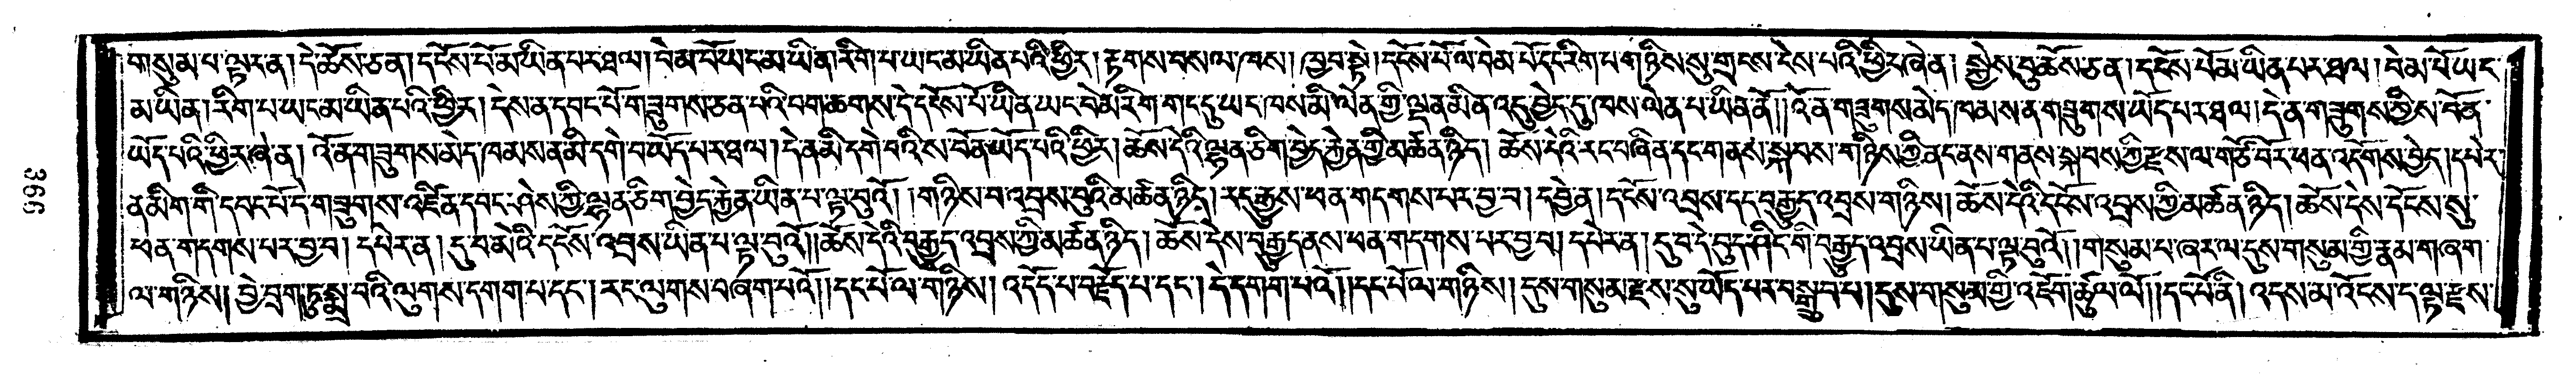གསུམ་པ་ལྟར་ན། དེ་ཆོས་ཅན། དངོས་པོ་མ་ཡིན་པར་ཐལ། བེམ་པོ་ཡང་མ་ཡིན། རིག་པ་ཡང་མ་ཡིན་པའི་ཕྱིར། རྟགས་བསལ་ཁས། ཁྱབ་སྟེ། དངོས་པོ་ལ་བེམ་པོ་དང་རིག་པ་གཉིས་སུ་གྲངས་ངེས་པའི་ཕྱིར་ཞེ་ན། སྐྱེས་བུ་ཆོས་ཅན། དངོས་པོ་མ་ཡིན་པར་ཐལ། བེམ་པོ་ཡང་
མ་ཡིན། རིག་པ་ཡང་མ་ཡིན་པའི་ཕྱིར། དེས་ན་དབང་པོ་གཟུགས་ཅན་པའི་བག་ཆགས་དེ་དངོས་པོ་ཡིན་ཡང་བེམ་རིག་གང་དུ་ཡང་ཁས་མི་ལེན་གྱི་ལྡན་མིན་འདུ་བྱེད་དུ་ཁས་ལེན་པ་ཡིན་ནོ། །འོ་ན་གཟུགས་མེད་ཁམས་ན་གཟུགས་ཡོད་པར་ཐལ། དེ་ན་གཟུགས་ཀྱི་ས་བོན་
ཡོད་པའི་ཕྱིར་ཞེ་ན། འོ་ན་གཟུགས་མེད་ཁམས་ན་མི་དགེ་བ་ཡོད་པར་ཐལ། དེ་ན་མི་དགེ་བའི་ས་བོན་ཡོད་པའི་ཕྱིར། ཆོས་དེའི་ལྷན་ཅིག་བྱེད་རྐྱེན་གྱི་མཚན་ཉིད། ཆོས་དེའི་རང་བཞིན་དང་གནས་སྐབས་གཉིས་ཀྱི་ནང་ནས་གནས་སྐབས་ཀྱི་རྫས་ལ་གཙོ་བོར་ཕན་འདོགས་བྱེད། དཔེར་
ན་མིག་གི་དབང་པོ་དེ་གཟུགས་འཛིན་དབང་ཤེས་ཀྱི་ལྷན་ཅིག་བྱེད་རྐྱེན་ཡིན་པ་ལྟ་བུའོ། །གཉིས་པ་འབྲས་བུའི་མཚན་ཉིད། རང་རྒྱུས་ཕན་གདགས་པར་བྱ་བ། དབྱེ་ན། དངོས་འབྲས་དང་བརྒྱུད་འབྲས་གཉིས། ཆོས་དེའི་དངོས་འབྲས་ཀྱི་མཚན་ཉིད། ཆོས་དེས་དངོས་སུ་
ཕན་གདགས་པར་བྱ་བ། དཔེར་ན། དུ་བ་མེའི་དངོས་འབྲས་ཡིན་པ་ལྟ་བུའོ། །ཆོས་དེའི་བརྒྱུད་འབྲས་ཀྱི་མཚན་ཉིད། ཆོས་དེས་བརྒྱུད་ནས་ཕན་གདགས་པར་བྱ་བ། དཔེར་ན། དུ་བ་དེ་བུད་ཤིང་གི་བརྒྱུད་འབྲས་ཡིན་པ་ལྟ་བུའོ། །གསུམ་པ་ཞར་ལ་དུས་གསུམ་གྱི་རྣམ་གཞག་
ལ་གཉིས། བྱེ་བྲག་ཏུ་སྨྲ་བའི་ལུགས་དགག་པ་དང་། རང་ལུགས་བཞག་པའོ། །དང་པོ་ལ་གཉིས། འདོད་པ་བརྗོད་པ་དང་། དེ་དགག་པའོ། །དང་པོ་ལ་གཉིས། དུས་གསུམ་རྫས་སུ་ཡོད་པར་བསྒྲུབ་པ། དུས་གསུམ་གྱི་འཇོག་ཚུལ་ལོ། །དང་པོ་ནི། འདས་མ་འོངས་ད་ལྟ་རྫས་